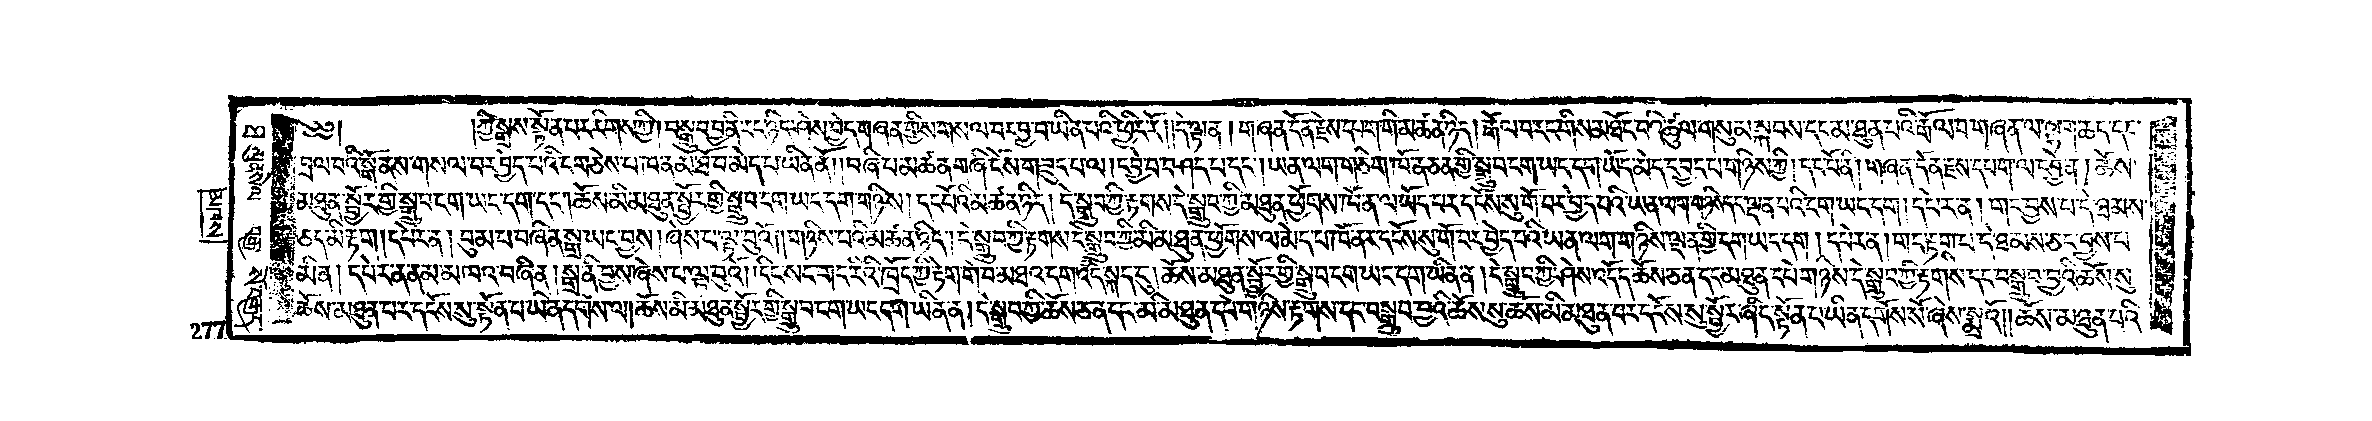༄༅། །ཀྱི་སྒྲས་སྟོན་པར་རིགས་ཀྱི། བསྒྲུབ་བྱ་ནི་རང་ཉིད་ཤེས་བྱེད་གཞན་གྱིས་གསལ་བར་བྱ་བ་ཡིན་པའི་ཕྱིར་རོ། །དེ་ལྟ་ན། གཞན་དོན་རྗེས་དཔག་གི་མཚན་ཉིད། རྒོལ་བ་རང་གིས་མཐོང་བའི་ཚུལ་གསུམ་སྐབས་དང་མ་ཐུན་པའི་རྒོལ་བ་གཞན་ལ་ལྷག་ཆད་དང་
བྲལ་བའི་སྒོ་ནས་གསལ་བར་བྱེད་པའི་ངག་ཅེས་པ་ཁ་ན་མ་ཐོ་བ་མེད་པ་ཡིན་ནོ། །བཞི་པ་མཚན་གཞི་ངོས་གཟུང་པ་ལ། དབྱེ་བ་བཤད་པ་དང་། ཡན་ལག་གཅིག་ཁོ་ན་ཅན་གྱི་སྒྲུབ་དག་ཡང་དག་ཡོད་མེད་དཔྱད་པ་གཉིས་ཀྱི། དང་པོ་ནི། གཞན་དོན་རྗེས་དཔག་ལ་དབྱེ་ན། ཆོས་
མཐུན་སྦྱོར་གྱི་སྒྲུབ་དག་ཡང་དག་དང་། ཆོས་མི་མཐུན་སྦྱོར་གྱི་སྒྲུབ་དག་ཡང་དག་གཉིས། དང་པོའི་མཚན་ཉིད། དེ་སྒྲུབ་ཀྱི་རྟགས་དེ་སྒྲུབ་ཀྱི་མཐུན་ཕྱོགས་ཁོ་ན་ལ་ཡོད་པར་དངོས་སུ་གོ་བར་བྱེད་པའི་ཡན་ལག་གཉིས་དང་ལྡན་པའི་ངག་ཡང་དག། དཔེར་ན། གང་བྱས་པ་དེ་ཐམས་
ཅད་མི་རྟག། དཔེར་ན། བུམ་པ་བཞིན་སྒྲ་ཡང་བྱས། ཞེས་པ་ལྟ་བུའོ། །གཉིས་པའི་མཚན་ཉིད། དེ་སྒྲུབ་ཀྱི་རྟགས་དེ་སྒྲུབ་ཀྱི་མི་མཐུན་ཕྱོགས་ལ་མེད་པ་ཁོ་ནར་དངོས་སུ་གོ་བར་བྱེད་པའི་ཡན་ལག་གཉིས་ལྡན་གྱི་དག་ཡང་དག། དཔེར་ན། གང་རྟགས་པ་དེ་ཐམས་ཅད་བྱས་པ་
མིན། དཔེར་ན་ནམ་མཁའ་བཞིན། སྒྲ་ནི་བྱས་ཞེས་པ་ལྟ་བུའོ། །དིང་སང་གང་རིའི་ཁྲོད་ཀྱི་རྟོག་གེ་བ་མཐའ་དག་འདི་སྐད་དུ། ཆོས་མཐུན་སྦྱོར་གྱི་སྒྲུབ་དག་ཡང་དག་ཡིན་ན། དེ་སྒྲུབ་ཀྱི་ཤེས་འདོད་ཆོས་ཅན་དང་མཐུན་དཔེ་གཉིས་དེ་སྒྲུབ་ཀྱི་རྟགས་དང་བསྒྲུབ་བྱའི་ཆོས་སུ་
ཆོས་མཐུན་པར་དངོས་སུ་སྟོན་པ་ཡིན་དགོས་ལ། ཆོས་མི་མཐུན་སྦྱོར་གྱི་སྒྲུབ་དག་ཡང་དག་ཡིན་ན། དེ་སྒྲུབ་ཀྱི་ཆོས་ཅན་དང་མི་མཐུན་དཔེ་གཉིས་རྟགས་དང་བསྒྲུབ་བྱའི་ཆོས་སུ་ཆོས་མི་མཐུན་པར་དངོས་སུ་སྦྱོར་ཞིང་སྟོན་པ་ཡིན་དགོས་སོ་ཞེས་སྨྲའོ། །ཆོས་མཐུན་པའི་